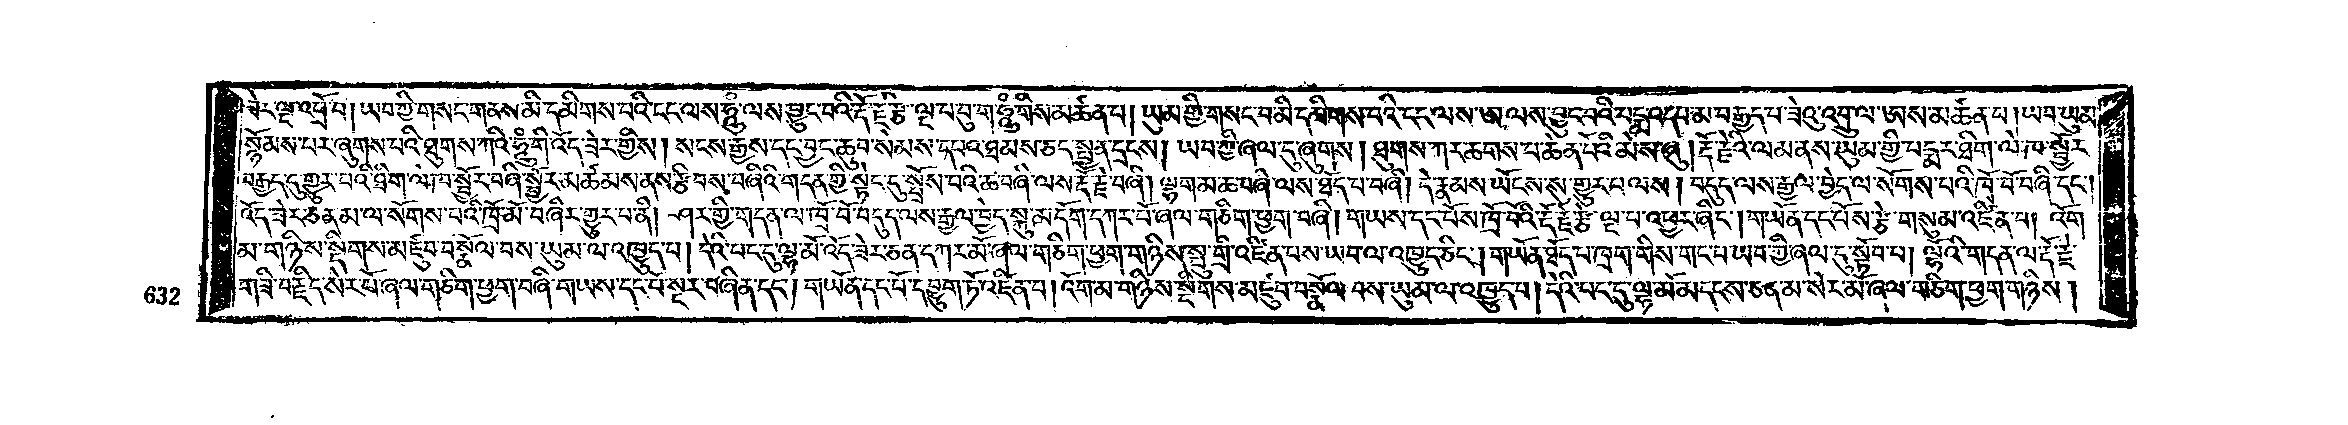ཟེར་ལྔ་འཕྲོ་བ། ཡབ་ཀྱི་གསང་གནས་མི་དམིགས་པའི་ངང་ལས་ཧཱུཾ་ལས་བྱུང་བའི་རྡོ་རྗེ་རྩེ་ལྔ་པ་བུ་ག་ཧཱུཾ་གིས་མཚན་པ། ཡུམ་གྱི་གསང་བ་མི་དམིགས་པའི་ངང་ལས་ཨ་ལས་བྱུང་བའི་པདམ་འདབ་མ་བརྒྱད་པ་ཟེའུ་འབྲུ་ལ་ཨས་མཚན་པ། ཡབ་ཡུམ་
སྙོམས་པར་ཞུགས་པའི་ཐུགས་ཀའི་ཧཱུཾ་གི་འོད་ཟེར་གྱིས། སངས་རྒྱས་དང་བྱང་ཆུབ་སེམས་དཔའ་ཐམས་ཅད་སྤྱན་དྲངས། ཡབ་ཀྱི་ཞལ་དུ་ཞུགས། ཐུགས་ཀར་ཆགས་པ་ཆེན་པོའི་མེས་ཞུ། རྡོ་རྗེའི་ལམ་ནས་ཡུམ་གྱི་པདམར་ཐིག་ལེ་ཁ་སྦྱོར་
བརྒྱད་དུ་གྱུར་པའི་ཐིག་ལེ་ཁ་སྦྱོར་བཞི་སྦྱོར་མཚམས་ནས་རྩིབས་བཞིའི་གདན་གྱི་སྟེང་དུ་སྤྲོས་པའི་ཆ་བཞི་ལས་རྡོ་རྗེ་བཞི། ལྷག་མ་ཆ་བཞི་ལས་ཐོད་པ་བཞི། དེ་རྣམས་ཡོངས་སུ་གྱུར་པ་ལས། བདུད་ལས་རྒྱལ་བྱེད་ལ་སོགས་པའི་ཁྲོ་བོ་བཞི་དང་།
འོད་ཟེར་ཅན་མ་ལ་སོགས་པའི་ཁྲོ་མོ་བཞིར་གྱུར་པ་ནི། ཤར་གྱི་གདན་ལ་ཁྲོ་བོ་བདུད་ལས་རྒྱལ་བྱེད་སྐུ་མདོག་དཀར་པོ་ཞལ་གཅིག་ཕྱག་བཞི། གཡས་དང་པོས་ཁྲོ་བོའི་རྡོ་རྗེ་རྩེ་ལྔ་པ་འཕྱར་ཞིང་། གཡོན་དང་པོས་རྩེ་གསུམ་འཛིན་པ། འོག་
མ་གཉིས་སྡིགས་མཛུབ་བསྣོལ་བས་ཡུམ་ལ་འཁྱུད་པ། དེའི་བང་དུ་ལྷ་མོ་འོད་ཟེར་ཅན་དཀར་མོ་ཞལ་གཅིག་ཕྱག་གཉིས་སྤུ་གྲི་འཛིན་པས་ཡབ་ལ་འཁྱུད་ཅིང་། གཡོན་ཐོད་པ་ཁྲག་གིས་གང་པ་ཡབ་ཀྱི་ཞལ་དུ་སྟོབ་པ། ལྷོའི་གདན་ལ་རྡོ་རྗེ་
གཟི་བརྗིད་སེར་པོ་ཞལ་གཅིག་ཕྱག་བཞི་གཡས་དང་པོ་སྔར་བཞིན་དང་། གཡོན་དང་པོ་དབྱུག་ཏོ་འཛིན་པ། འོག་མ་གཉིས་སྡིགས་མཛུབ་བསྣོལ་བས་ཡུམ་ལ་འཁྱུད་པ། དེའི་པང་དུ་ལྷ་མོ་མདངས་ཅན་མ་སེར་མོ་ཞལ་གཅིག་ཕྱག་གཉིས།